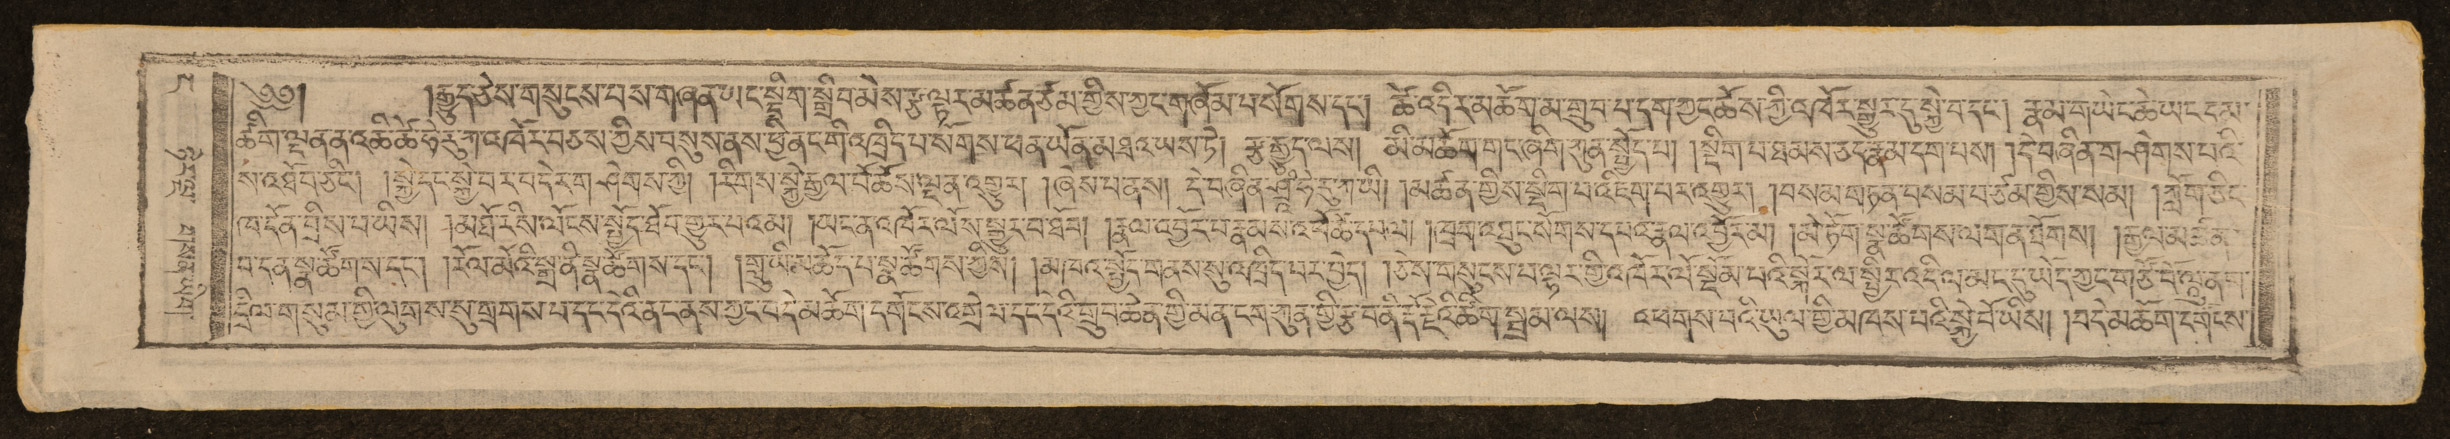༄༅། །རྒྱུད་ཅེས་གསུངས་པས་གཞན་ཡང་སྡིག་སྒྲིབ་མེས་རྩ་ལྟར་མཚན་ཙམ་གྱིས་ཀྱང་གཞོམ་པ་སོགས་དང་། ཚེ་འདིར་མཆོག་མ་གྲུབ་པ་དག་ཀྱང་ཆོས་ཀྱི་འཁོར་སྒྱུར་དུ་སྐྱེ་བ་དང་། རྣམ་གཡེང་ཆེ་ཡང་ངམ་
ཚིག་ལྡན་ན་འཆི་ཚེ་ཧེ་རུ་ཀ་འཁོར་བཅས་ཀྱིས་བསུས་ནས་ཕྱི་ནང་གི་འཁྲིད་པ་སོགས་ཕན་ཡོན་མཐའ་ཡས་ཏེ། རྩ་རྒྱུད་ལས། མི་མཆོག་གང་ཞིག་ཀུན་སྤྱོད་པ། །སྡིག་པ་ཐམས་ཅད་རྣམ་དག་པས། །དེ་བཞིན་གཤེགས་པའི་
ས་འཐོབ་ཅིང་། །སྐྱེ་དང་སྐྱེ་བར་བ་དེར་གཤེགས་ཀྱི། །རིགས་སྐྱེ་རྒྱལ་པོ་ཆོས་ལྡན་འགྱུར། །ཞེས་པ་ནས། དེ་བཞིན་ཤྲའི་ཧེ་རུ་ཀ་ཡི། །མཚན་གྱིས་སྡིག་པ་འཇིག་པར་འགྱུར། །བསམ་གཏན་བསམ་པ་ཙམ་གྱིས་སམ། །ཀློ་གཅིང་
ཁ་དོན་བྲིས་པ་ཡིས། །མཐོར་རིས་ལོངས་སྤྱོད་ཐོབ་གྱུར་པའམ། །ཡང་ན་འཁོར་ལོས་སྒྱུར་བ་ཐོབ། །རྣལ་འབྱོར་པ་རྣམས་འཕོ་ཚེ་དཔལ། །ཁྲག་འཐུང་སོགས་དཔའ་རྣལ་འབྱོར་མ། །མེ་ཏོག་སྣ་ཚོགས་ལག་ན་ཐོགས། །རྒྱལ་མཚན་
བ་དན་སྣ་ཚོགས་དང་། །རོལ་མོའི་སྒྲ་ནི་སྣ་ཚོགས་དང་། །གླུ་ཡི་མཆོད་པ་སྣ་ཚོགས་ཀྱིས། །མཁའ་སྤྱོད་གནས་སུ་འཁྲིད་པར་བྱེད། །ཅེས་གསུངས་པ་ལྟར་གྱི་འཁོར་ལོ་སྡོམ་པའི་སྐོར་ལ་སྤྱིར་འདི་ལ་མང་དུ་ཡོད་ཀྱང་གཙོ་བོ་ལྷུ་ནག་
དྲི་ལ་གསུམ་གྱི་ལུགས་སུ་གྲགས་པ་དང་དེའི་ནང་ནས་ཀྱང་བདེ་མཆོག་དང་དེའི་གྲུབ་ཆེན་གྱི་མན་དག་ཀུན་གྱི་རྩ་བ་ནི་རྡོ་རྗེའི་སྦྲ་མ་ལས། འཕགས་པའི་ཡུལ་གྱི་མཁས་པའི་སྐྱེ་བོ་ཡིས། །བདེ་མཆོག་དགོངས་